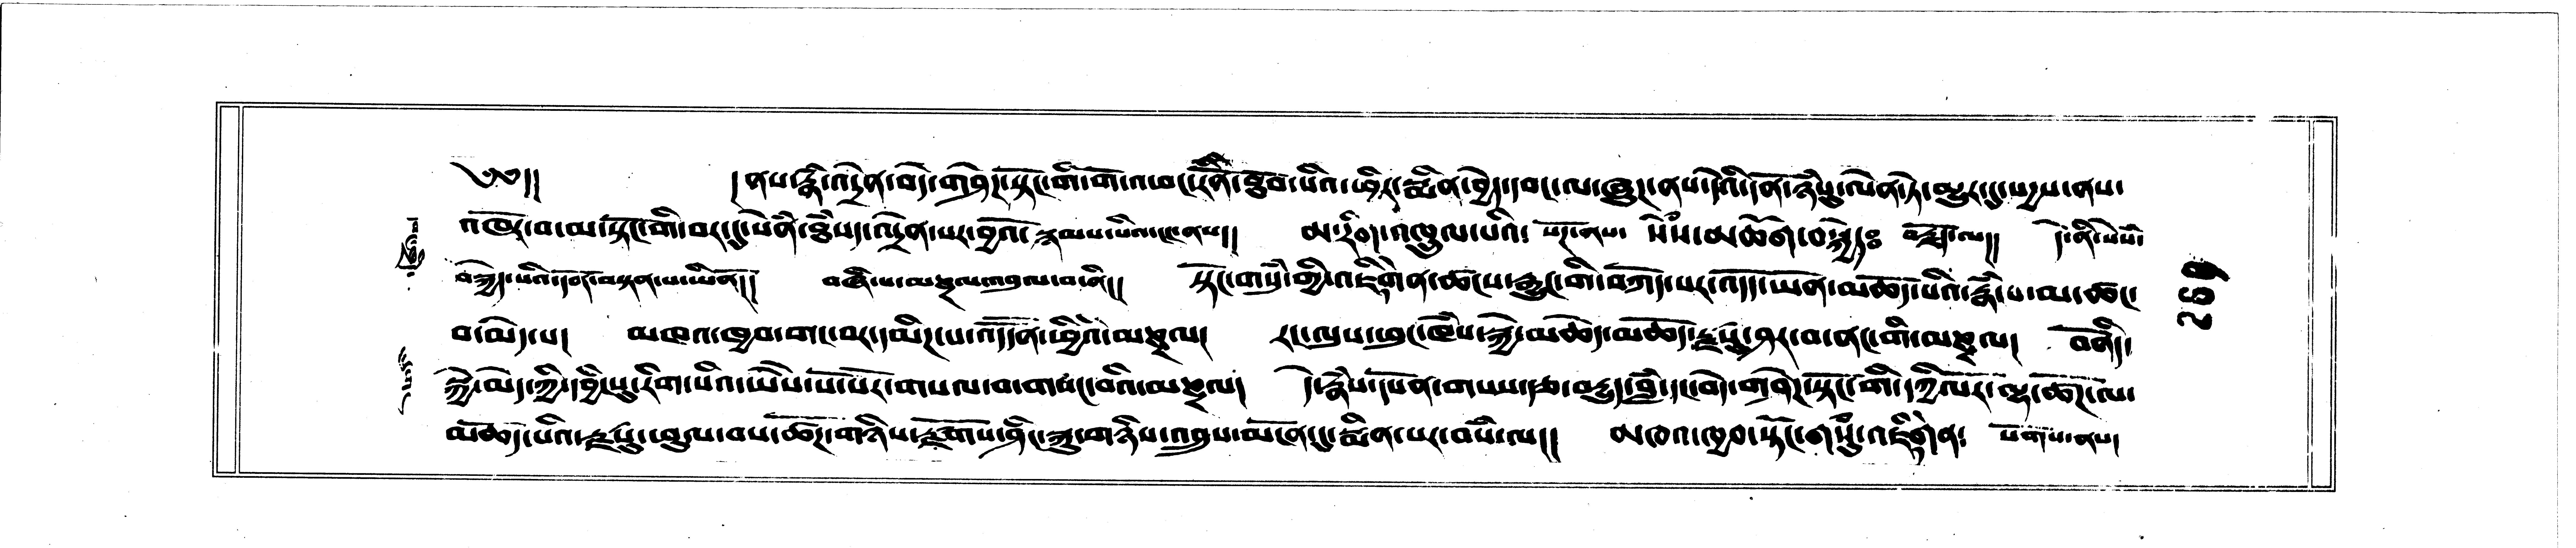ནས་རྣམ་འདྲེན་བདེར་གཤེགས་སྟོང་གི་གོ་འཕང་རིན་པོ་ཆེ་འཐོབ་པའི་ཕྱིར་སྨིན་བྱེད་དབང་ལ་ཞུགས་ནས་དེའི་དོན་ཉམས་སུ་ལེན་ཏེ་མྱུར་དུ་སངས་རྒྱས་ནས་
འཁོར་བ་མ་སྟོང་གི་བར་དུ་སེམས་ཅན་ཐམས་ཅད་འདྲེན་པར་བྱའོ། སྙམ་པའི་ངང་ནས། མ་རིག་འཁྲུལ་པའི། སོགས་ནས། སེམས་མཆོག་བསྐྱེད། བརྗོད་ལ། དེ་ནི་སེམས་
བསྐྱེད་པའི་དོན་བསྟན་པ་ཡིན་ནོ།། བཞི་པ་མཎྚལ་འབུལ་བ་ནི། སྟོང་གསུམ་གྱི་འཇིག་རྟེན་ཚངས་རྒྱུང་གི་བཀོད་པ་འདོད་ཡོན་མཆོད་པའི་རྣམ་པ་མ་ཚང་
བ་མེད་པ། མཁའ་ཁྱབ་གང་བར་དམིགས་པ། འདོད་ཡོན་ཕྱི་ཡི་མཎྚལ། རང་ལུས་ཕུང་ཁམས་སྐྱེ་མཆེད་མཆོད་རྫས་སུ་ཤར་བ་ནང་གི་མཎྚལ། བོན་ཉིད་
སྐྱེ་མེད་ཀྱི་དབྱིངས་སུ་རིག་པའི་ཡེ་ཤེས་སོ་སོར་གསལ་བ་གསང་བའི་མཎྚལ། དེ་རྣམས་དཔོན་གསས་རྩ་རྒྱུད་ཀྱི་བླ་མ་དང་། བདེར་གཤེགས་སྟོང་གི་དཀྱིལ་འཁོར་ལྷ་ཚོགས་ལ་
མཆོད་པའི་རྫས་སུ་ཕུལ་བས་ཚོགས་གཉིས་རྫོགས་ནས་སྐུ་གཉིས་འབྲས་བུ་མངོན་དུ་སྨིན་པར་བསམ་ལ། མཁའ་ཁྱབ་སྟོང་གསུམ་འཇིག་རྟེན། སོགས་ནས།